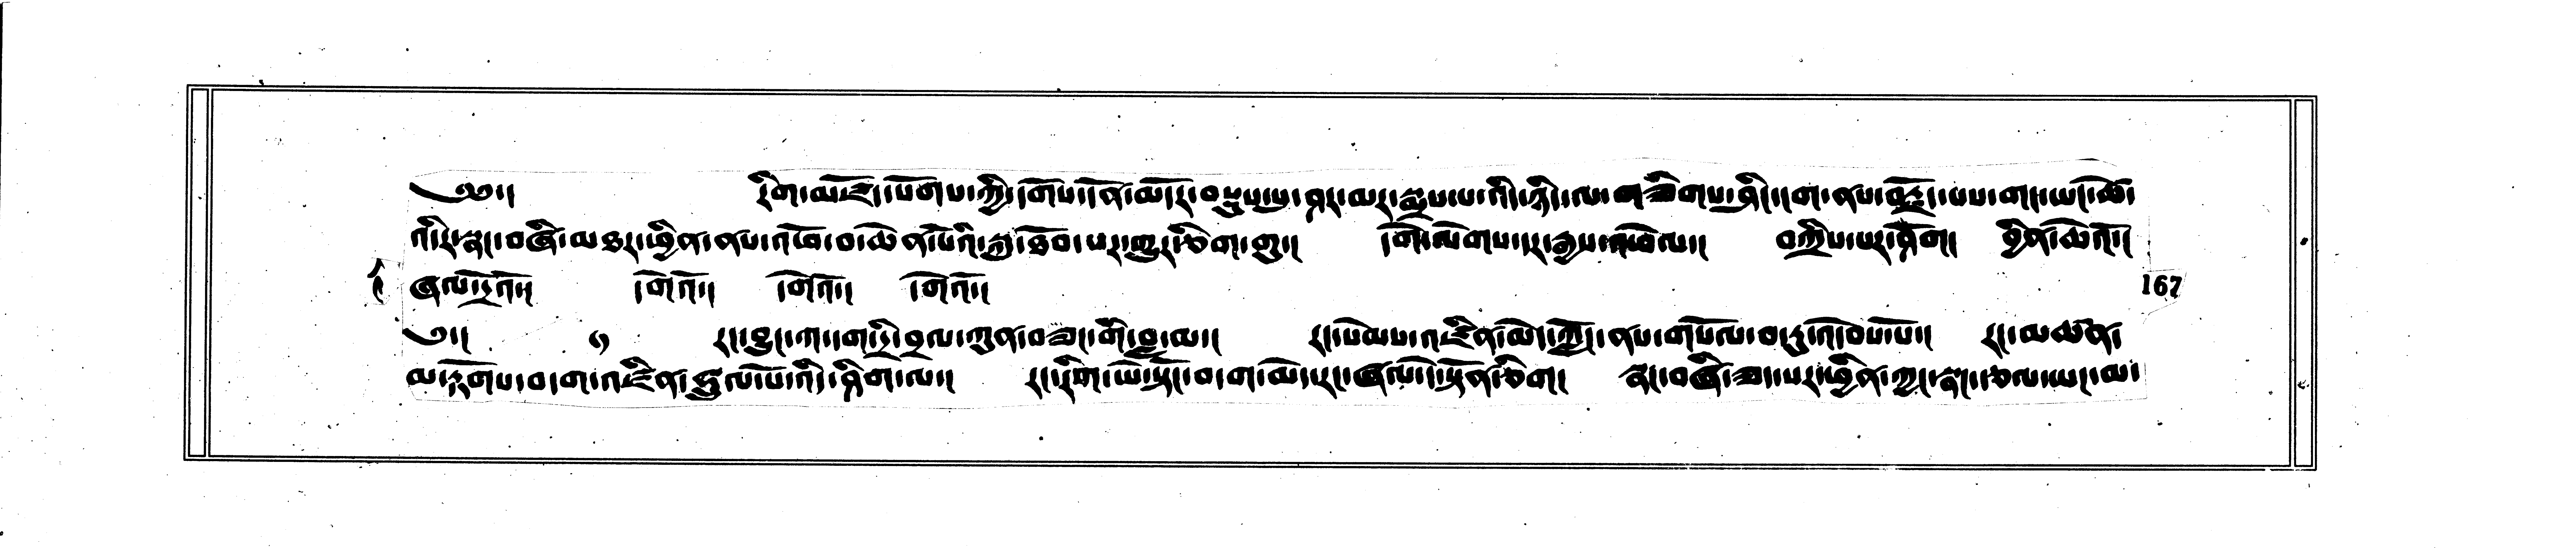རིག་མཛོད་སོགས་ཀྱི་དགོངས་དོན་མདོར་བསྡུས་སུ་ཤར་མར་སྨྲས་པ་འདི་ཉིད་ལ་གཟིགས་ཤིང་ངག་ནས་བརྗོད་པས་གང་ཡང་ཚེ་
འདིར་སྣང་བཞི་མཐར་ཕྱིན་ནས་འཕོ་བ་ཆེན་པོའི་སྐུ་ཐོབ་པར་གྱུར་ཅིག་གུ། །དགེ་ལེགས་དར་རྒྱས་འཕེལ། བཀྲ་ཤིས་པར་ཤོག བྱིན་ཆེའོ། །
ཞལ་དྲོའོ། །དགེའོ། དགེའོ། དགེའོ། །
༄༅།། རང་བྱུང་ཀ་དག་དྲི་བྲལ་ཀུན་བཟང་གི་བླ་མ། །རང་སེམས་འཛིན་མེད་ཀློང་ནས་གསོལ་བ་རུ་འདེབས་སོ། །རང་མཚན་
མ་རྟོགས་བདག་འཛིན་ཧྲུལ་པོ་འདི་ཤིག་ལ། །རང་རིག་ཡེ་སྟོང་བདག་མེད་རང་ཞལ་དེ་སྟོན་ཅིག །སྣང་བཞི་ཟད་སར་ཕྱིན་ཀྱང་སྣང་རྩལ་ཡང་མ་